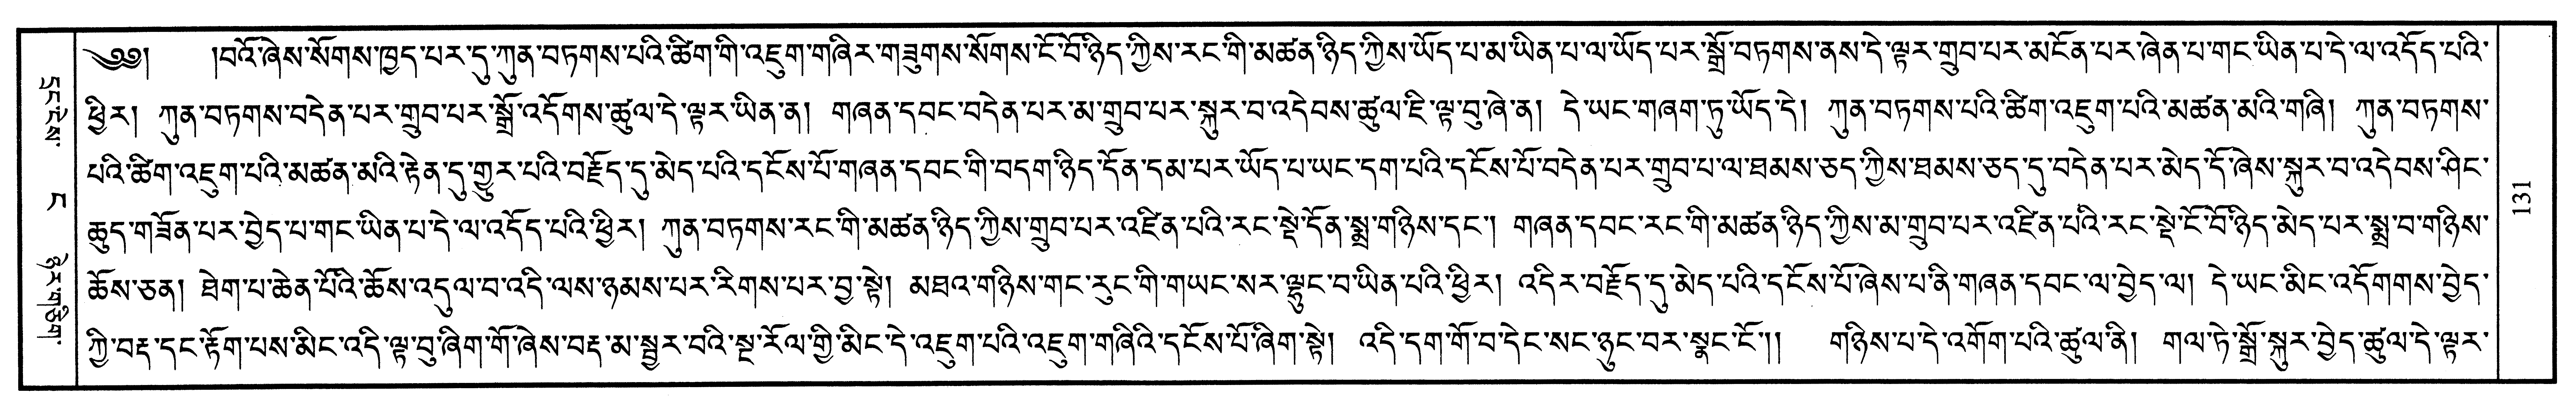༄༅། །བའོ་ཞེས་སོགས་ཁྱད་པར་དུ་ཀུན་བཏགས་པའི་ཚིག་གི་འཇུག་གཞིར་གཟུགས་སོགས་ངོ་བོ་ཉིད་ཀྱིས་རང་གི་མཚན་ཉིད་ཀྱིས་ཡོད་པ་མ་ཡིན་པ་ལ་ཡོད་པར་སྒྲོ་བཏགས་ནས་དེ་ལྟར་གྲུབ་པར་མངོན་པར་ཞེན་པ་གང་ཡིན་པ་དེ་ལ་འདོད་པའི་
ཕྱིར། ཀུན་བཏགས་བདེན་པར་གྲུབ་པར་སྒྲོ་འདོགས་ཚུལ་དེ་ལྟར་ཡིན་ན། གཞན་དབང་བདེན་པར་མ་གྲུབ་པར་སྐུར་བ་འདེབས་ཚུལ་ཇི་ལྟ་བུ་ཞེ་ན། དེ་ཡང་གཞག་ཏུ་ཡོད་དེ། ཀུན་བཏགས་པའི་ཚིག་འཇུག་པའི་མཚན་མའི་གཞི། ཀུན་བཏགས་
པའི་ཚིག་འཇུག་པའི་མཚན་མའི་རྟེན་དུ་གྱུར་པའི་བརྗོད་དུ་མེད་པའི་དངོས་པོ་གཞན་དབང་གི་བདག་ཉིད་དོན་དམ་པར་ཡོད་པ་ཡང་དག་པའི་དངོས་པོ་བདེན་པར་གྲུབ་པ་ལ་ཐམས་ཅད་ཀྱིས་ཐམས་ཅད་དུ་བདེན་པར་མེད་དོ་ཞེས་སྐུར་བ་འདེབས་ཤིང་
ཆུད་གཟོན་པར་བྱེད་པ་གང་ཡིན་པ་དེ་ལ་འདོད་པའི་ཕྱིར། ཀུན་བཏགས་རང་གི་མཚན་ཉིད་ཀྱིས་གྲུབ་པར་འཛིན་པའི་རང་སྡེ་དོན་སྨྲ་གཉིས་དང་། གཞན་དབང་རང་གི་མཚན་ཉིད་ཀྱིས་མ་གྲུབ་པར་འཛིན་པའི་རང་སྡེ་ངོ་བོ་ཉིད་མེད་པར་སྨྲ་བ་གཉིས་
ཆོས་ཅན། ཐེག་པ་ཆེན་པོའི་ཆོས་འདུལ་བ་འདི་ལས་ཉམས་པར་རིགས་པར་བྱ་སྟེ། མཐའ་གཉིས་གང་རུང་གི་གཡང་སར་ལྷུང་བ་ཡིན་པའི་ཕྱིར། འདིར་བརྗོད་དུ་མེད་པའི་དངོས་པོ་ཞེས་པ་ནི་གཞན་དབང་ལ་བྱེད་ལ། དེ་ཡང་མིང་འདོགས་བྱེད་
ཀྱི་བརྡ་དང་རྟོག་པས་མིང་འདི་ལྟ་བུ་ཞིག་གོ་ཞེས་བརྡ་མ་སྦྱར་བའི་སྔ་རོལ་གྱི་མིང་དེ་འཇུག་པའི་འཇུག་གཞིའི་དངོས་པོ་ཞིག་སྟེ། འདི་དག་གོ་བ་དེང་སང་ཉུང་བར་སྣང་ངོ།། གཉིས་པ་དེ་འགོག་པའི་ཚུལ་ནི། གལ་ཏེ་སྒྲོ་སྐུར་བྱེད་ཚུལ་དེ་ལྟར་